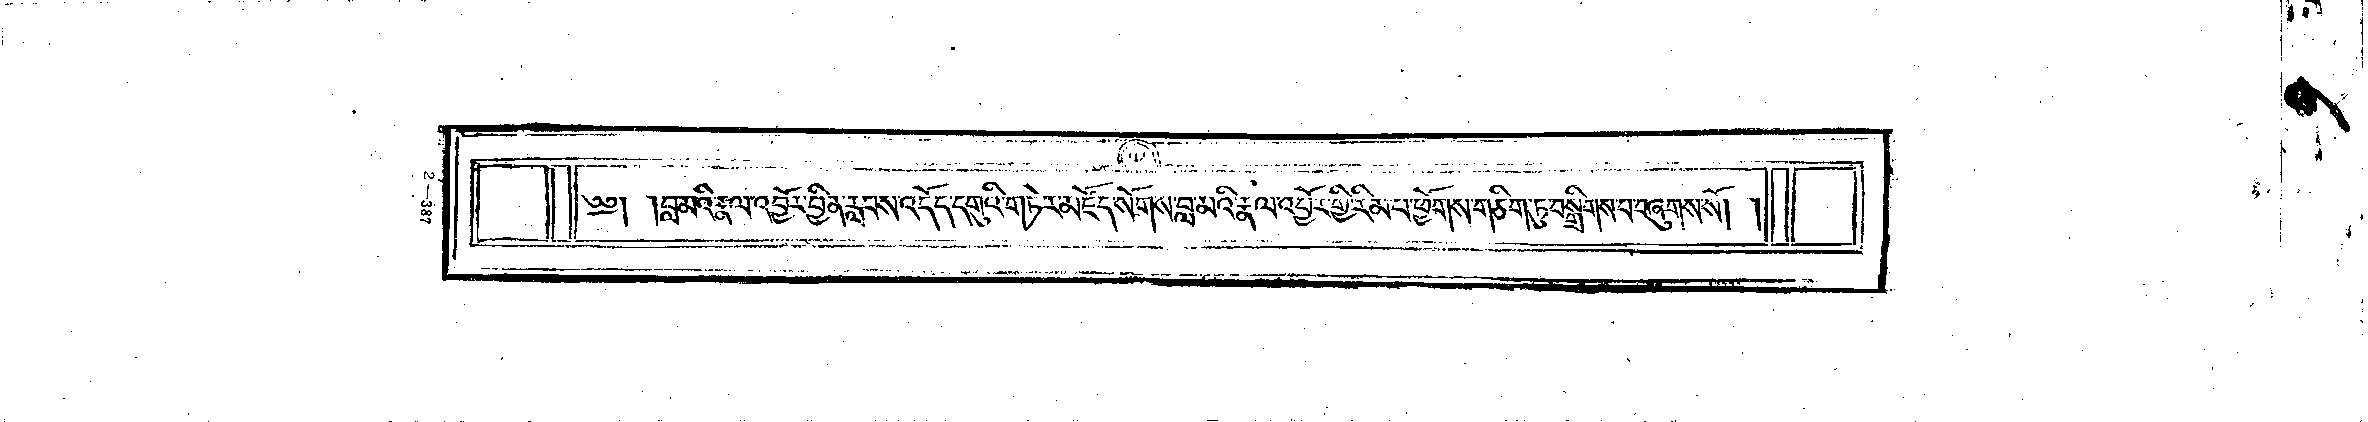༄༅། །བླ་མའི་རྣལ་འབྱོར་བྱིན་རླབས་འདོད་དགུའི་གཏེར་མཛོད་སོགས་བླ་མའི་རྣལ་འབྱོར་གྱི་རིམ་པ་ཕྱོགས་གཅིག་ཏུ་བསྒྲིགས་པ་བཞུགས་སོ། །